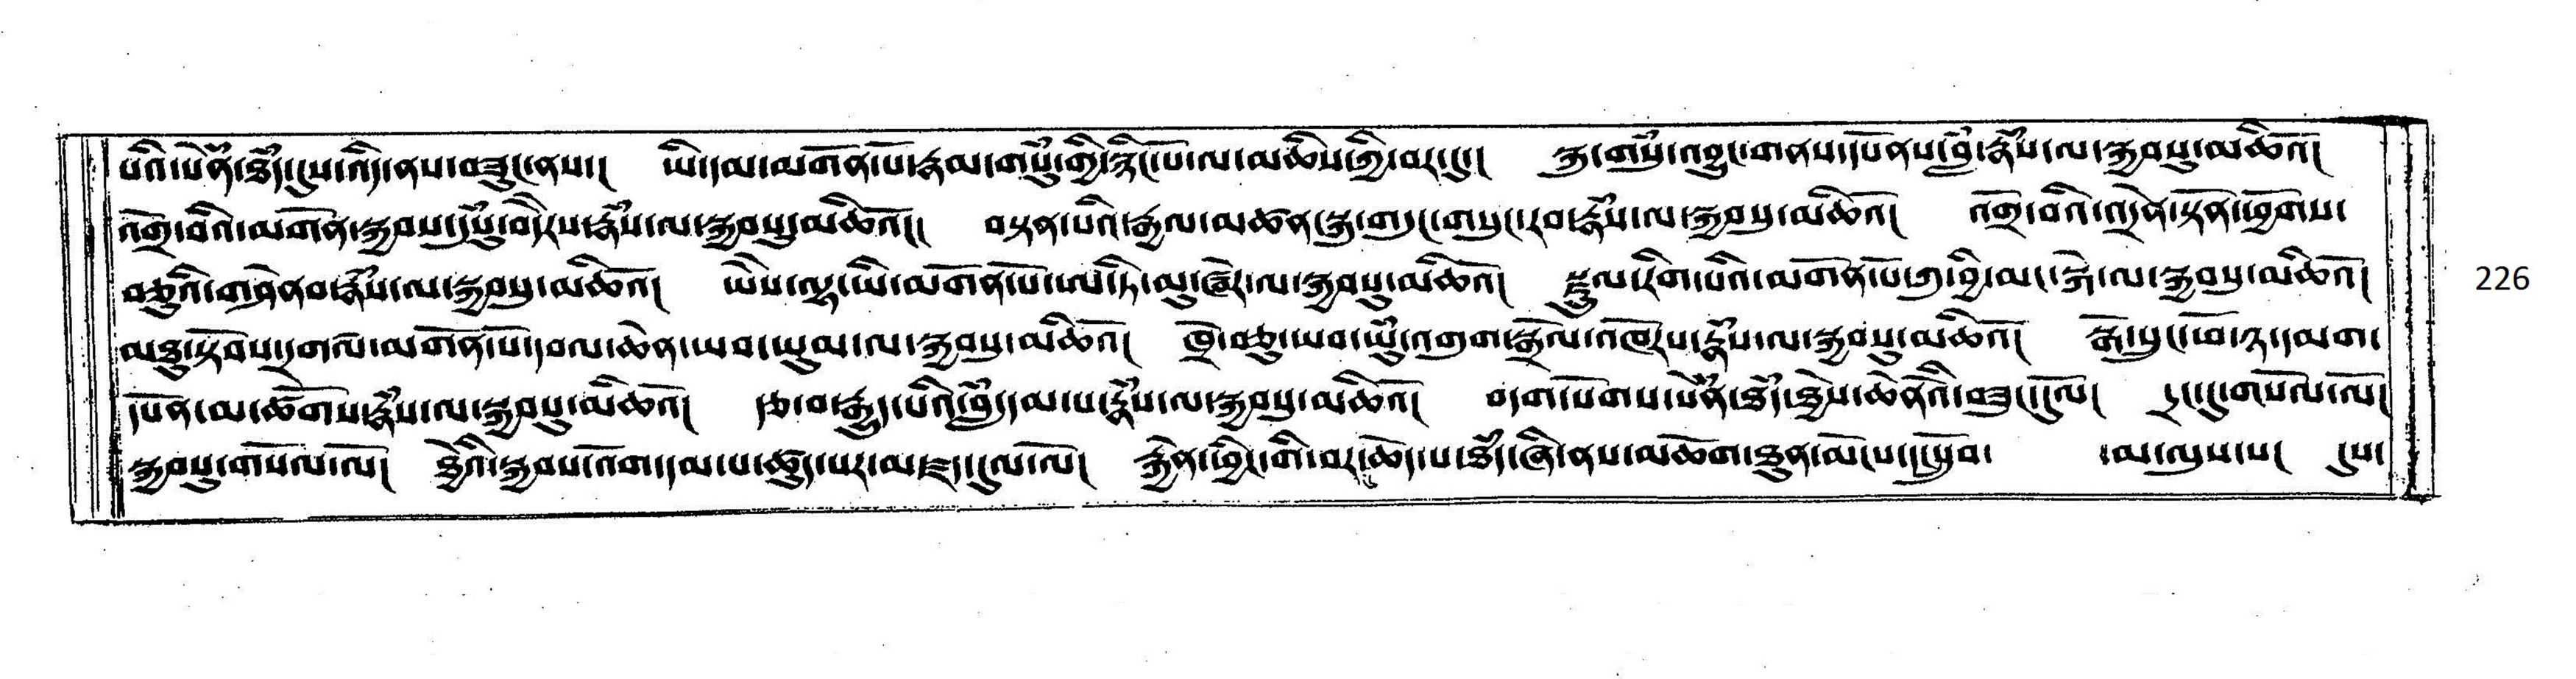པའི་སེམས་ཅན་ཐམས་ཅད་དུས་འདི་ནས་བཟུང་ནས། ཡི་དམ་མགོན་པོ་རྣམ་གསུམ་གྱི་སྙིང་པོ་ལ་མཆིས་ཀྱི་བར་དུ། སྐུ་གསུམ་འབྱུང་གནས་དཔོན་གསས་བླ་མ་རྣམས་ལ་སྐྱབས་སུ་མཆིའོ། 
འགྲོ་བའི་མགོན་སྐྱབས་དུས་གསུམ་བདེར་གཤེགས་རྣམས་ལ་སྐྱབས་སུ་མཆིའོ།། བསྟན་པའི་རྒྱལ་མཚན་སྐུ་གདུང་གསུང་རབ་རྣམས་ལ་སྐྱབས་སུ་མཆིའོ། འགྲོ་བའི་འདྲེན་སྟོན་ཕྱོགས་
བཅུའི་གཤེན་རབ་རྣམས་ལ་སྐྱབས་སུ་མཆིའོ། ཡེ་ཤེས་ལྷ་ཡི་མགོན་པོ་ཨ་ཏི་མུ་ཝེར་ལ་སྐྱབས་སུ་མཆིའོ། རྫུ་འཕྲུལ་རིག་པའི་མགོན་པོ་ཀུ་བྱི་མང་སྐེ་ལ་སྐྱབས་སུ་མཆིའོ། 
མཐུ་སྟོབས་དྲག་རྩལ་མགོན་པོ་དབལ་ཆེན་ཡབ་ཡུམ་ལ་སྐྱབས་སུ་མཆིའོ། ཁྲོ་བཅུ་ཡབ་ཡུམ་འགུག་སྒྲོལ་འཁོར་འདས་རྣམས་ལ་སྐྱབས་སུ་མཆིའོ། སྒོ་སྲུང་ཕོ་ཉ་དམག་
དཔོན་མ་ཚོགས་རྣམས་ལ་སྐྱབས་སུ་མཆིའོ། རྩ་བ་རྒྱུད་པའི་བླ་མ་དམ་པ་རྣམས་ལ་སྐྱབས་སུ་མཆིའོ། བདག་སོགས་སེམས་ཅན་ཐམས་ཅད་ཐུགས་རྗེས་ཆེན་པོའི་བཟུང་དུ་གསོལ། དྲང་དུ་གསོལ་ལོ་
སྐྱབས་སུ་གསོལ་ལོ། ཐུགས་རྗེའི་སྐྱབས་འོག་དམ་པ་ཚུད་པར་མཛད་དུ་གསོལ་ལོ། རྐྱེན་ཕྱི་ནང་གི་བར་དུ་ཆོད་པ་ཐམས་ཅད་ཞི་ནས་མཆོག་ཐུན་མོངས་དངོས་གྲུབ་མ་ལུས་པ། དུས་